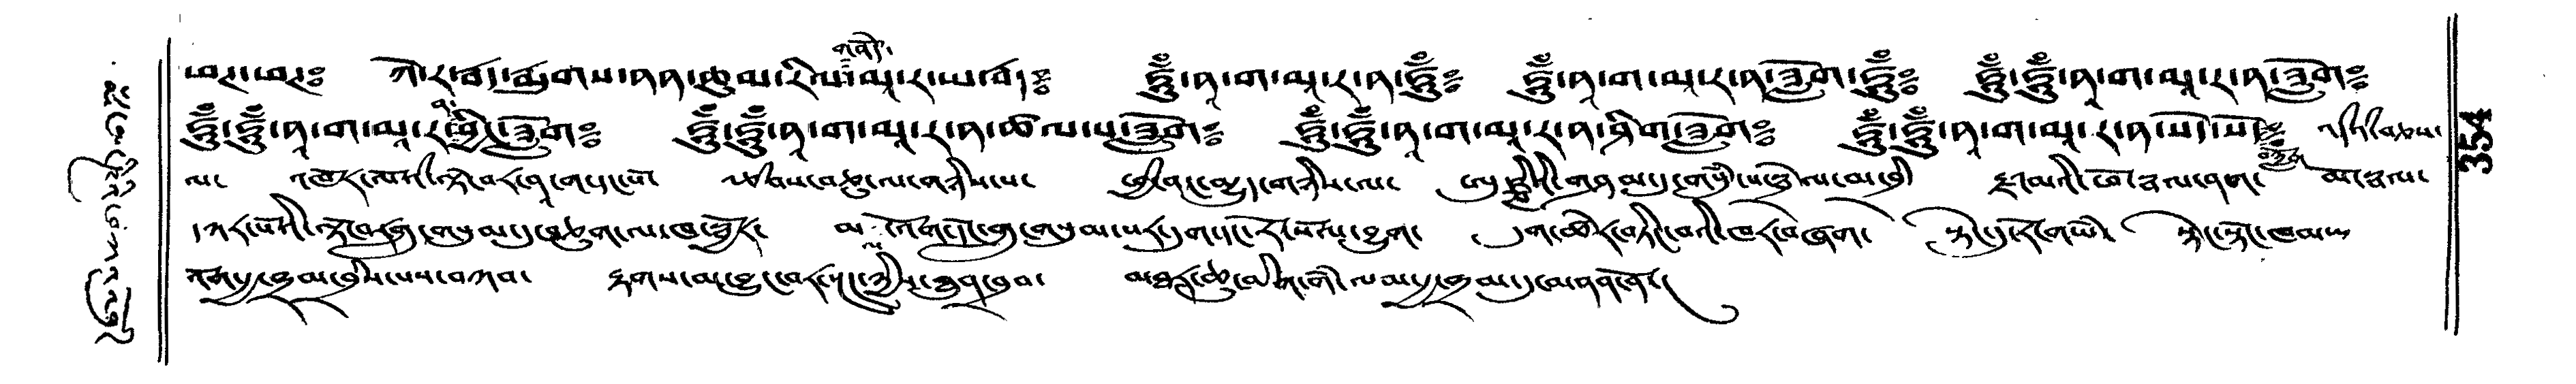ཕཊ་ཕཊཿ ཀོ་ར་རྦད་རྨུགས་ནན་ཆུམ་རིལ་གནོད་བྱེད་མཱ་ར་ཡ་རྦད། ཧཱུྃ་ནཱ་ག་མཱ་ར་ན་ཧཱུྃ། ཧཱུྃ་ནཱ་ག་མཱ་ར་ན་ཟློག་ཧཱུྃ། ཧཱུྃ་ཧཱུྃ་ནཱ་ག་མཱ་ར་ན་ཟློག 
ཧཱུྃ་ཧཱུྃ་ནཱ་ག་མཱ་ར་ན་བྱིང་ཟློག ཧཱུྃཧཱུྃ་ནཱ་ག་མཱ་ར་ན་ཚལ་པ་ཟློག ཧཱུྃཧཱུྃ་ནཱ་ག་མཱ་ར་ན་ཤིག་ཟློག ཧཱུྃ་ཧཱུྃ་ནཱ་ག་མཱ་ར་ན་སོད་སོད་ཟློག འདིའི་བཅོས་
ལ། འཁོར་ལོའི་ལྟེ་བར་ནཱ་ག་དང་པོ། རྩིབས་བཅུ་ལ་གཉིས་པ། ཕྱི་ནང་མུ་ཁྱུད་གཉིས་ལ། ཨུཥྞིའི་གཤམ་དུ་གསུམ་པ་སྦྲེལ་མ་བྲི། རྫ་མའི་ཕོ་སྦལ་ནག 
མོ་སྦལ་དཀར་པོའི་ལྟོ་བར་གྲུ་གསུམ་དུ་བཅུག་ལ་ཁ་སྦྱོར། ལམ་འོག་དོང་གྲུ་གསུམ་པར་དུག་དང་རོ་སོལ་བྱུག དུག་ཚེར་བཏིང་བའི་ཁར་བཞག སྟེང་དུ་རོ་གཡམ་སྟེང་སྟོང་ཁམས་
འོག་རྒྱ་གྲམ་བྲིས་པས་བཀབ། རྟགས་མ་བྱུང་བར་སྔགས་ཀྱིས་ཐུན་བྲབ། མཐར་ཆུ་མིག་གམ་ལམ་རྒྱ་གྲམ་དུ་མནན་ནོ།། བཀྲ་ཤིས།།